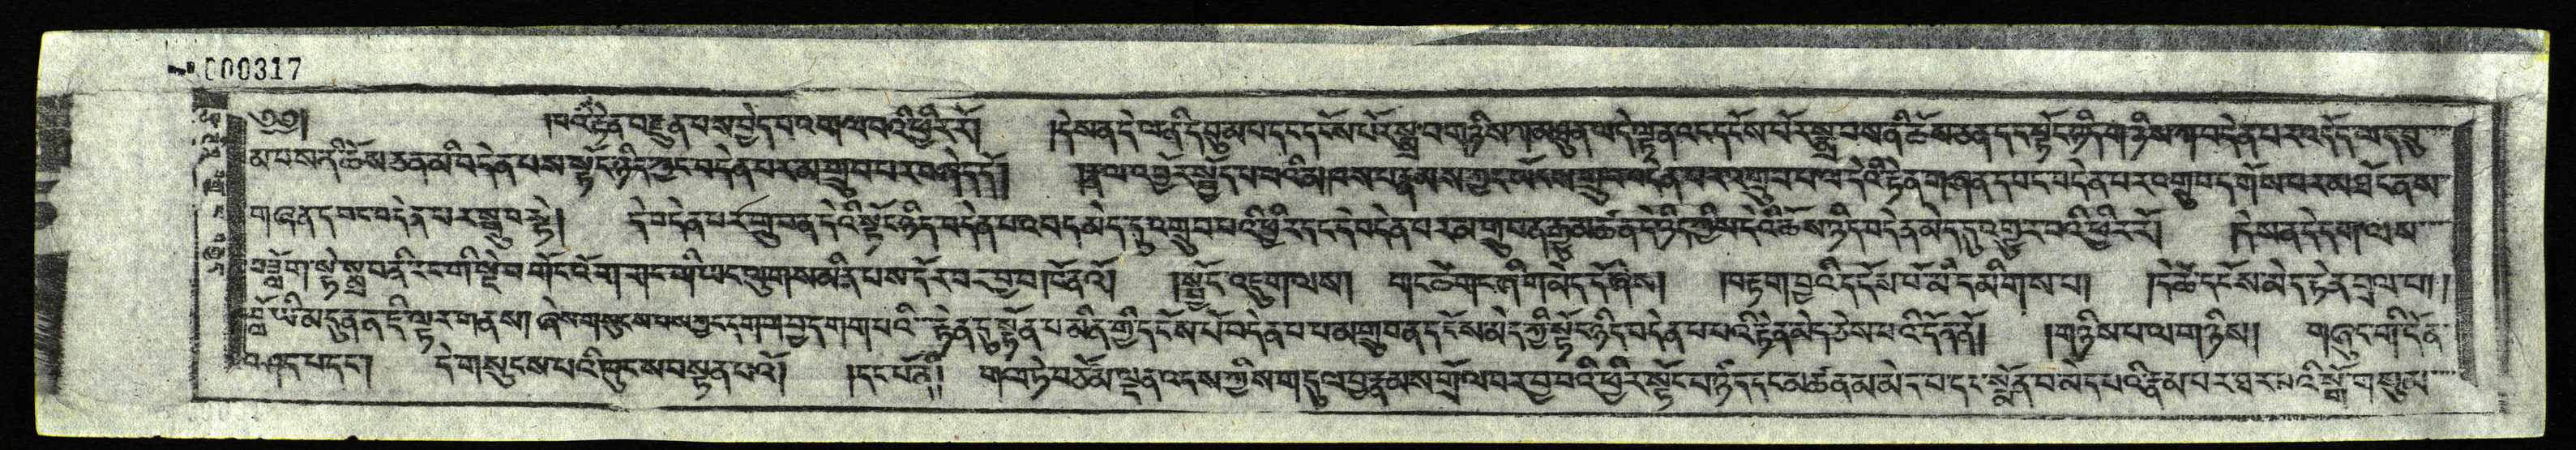༄༅། །བའི་རྟེན་བརྫུན་པས་བྱེད་པ་འགལ་བའི་ཕྱིར་རོ། །དེས་ན་དེ་ལ་ནི་དབུ་མ་པ་དང་དངོས་པོར་སྨྲ་བ་གཉིས་ཀ་མཐུན་ལ་དེ་ལྟ་ནའང་དངོས་པོར་སྨྲ་བས་ནི་ཆོས་ཅན་དང་སྟོང་ཉིད་གཉིས་ཀ་བདེན་པར་འདོད་ལ་དབུ་
མ་བས་ནི་ཆོས་ཅན་མི་བདེན་པས་སྟོང་ཉིད་ཀྱང་བདེན་པར་མ་གྲུབ་པར་བཞེད་དོ། །རྣལ་འབྱོར་སྤྱོད་པ་པའི་མཁས་པ་རྣམས་ཀྱང་ཡོངས་གྲུབ་བདེན་པར་འགྲུབ་པ་ལ་དེའི་རྟེན་གཞན་དབང་བདེན་པར་འགྲུབ་དགོས་པར་མཐོང་ནས་
གཞན་དབང་བདེན་པར་སྒྲུབ་སྟེ། དེ་བདེན་པར་གྲུབ་ན་དེའི་སྟོང་ཉིད་བདེན་པ་འབད་མེད་དུ་འགྲུབ་པའི་ཕྱིར་དང་དེ་བདེན་པར་མ་གྲུབ་ན་རྒྱུ་མཚན་དེ་ཉིད་ཀྱིས་དེའི་ཆོས་ཉིད་བདེན་མེད་དུ་འགྱུར་བའི་ཕྱིར་རོ། །དེས་ན་དེ་དག་ལས་
བཟློག་སྟེ་སྨྲ་བ་ནི་རང་གི་སྡེ་བ་གོང་འོག་གང་གི་ཡང་ལུགས་མིན་པས་དོར་བར་བྱ་བ་ཁོ་ནའོ། །སྤྱོད་འཇུག་ལས། གང་ཚེ་གང་ཞིག་མེད་དོ་ཞེས། །བརྟག་བྱའི་དངོས་པོ་མི་དམིགས་པ། །དེ་ཚེ་དངོས་མེད་རྟེན་བྲལ་བ།།
བློ་ཡི་མདུན་ན་ཇི་ལྟར་གནས། ཞེས་གསུངས་པས་ཀྱང་དགག་བྱ་དགག་པའི་རྟེན་དུ་སྟོན་པ་མིན་གྱི་དངོས་པོ་བདེན་པ་པ་མ་གྲུབ་ན་དངོས་མེད་ཀྱི་སྟོང་ཉིད་བདེན་པ་པའི་རྟེན་མེད་ཅེས་པའི་དོན་ནོ། །གཉིས་པ་ལ་གཉིས། གཞུང་གི་དོན་
བཤད་པ་དང་། དེ་གསུངས་པའི་ལུང་མ་བསྟན་པའོ། །དང་པོ་ནི། གལ་ཏེ་བཅོམ་ལྡན་འདས་ཀྱིས་གདུལ་བྱ་རྣམས་གྲོལ་བར་བྱ་བའི་ཕྱིར་སྟོང་པ་ཉིད་དང་མཚན་མ་མེད་པ་དང་སྨོན་པ་མེད་པའི་རྣམ་པར་ཐར་པའི་སྒོ་གསུམ་